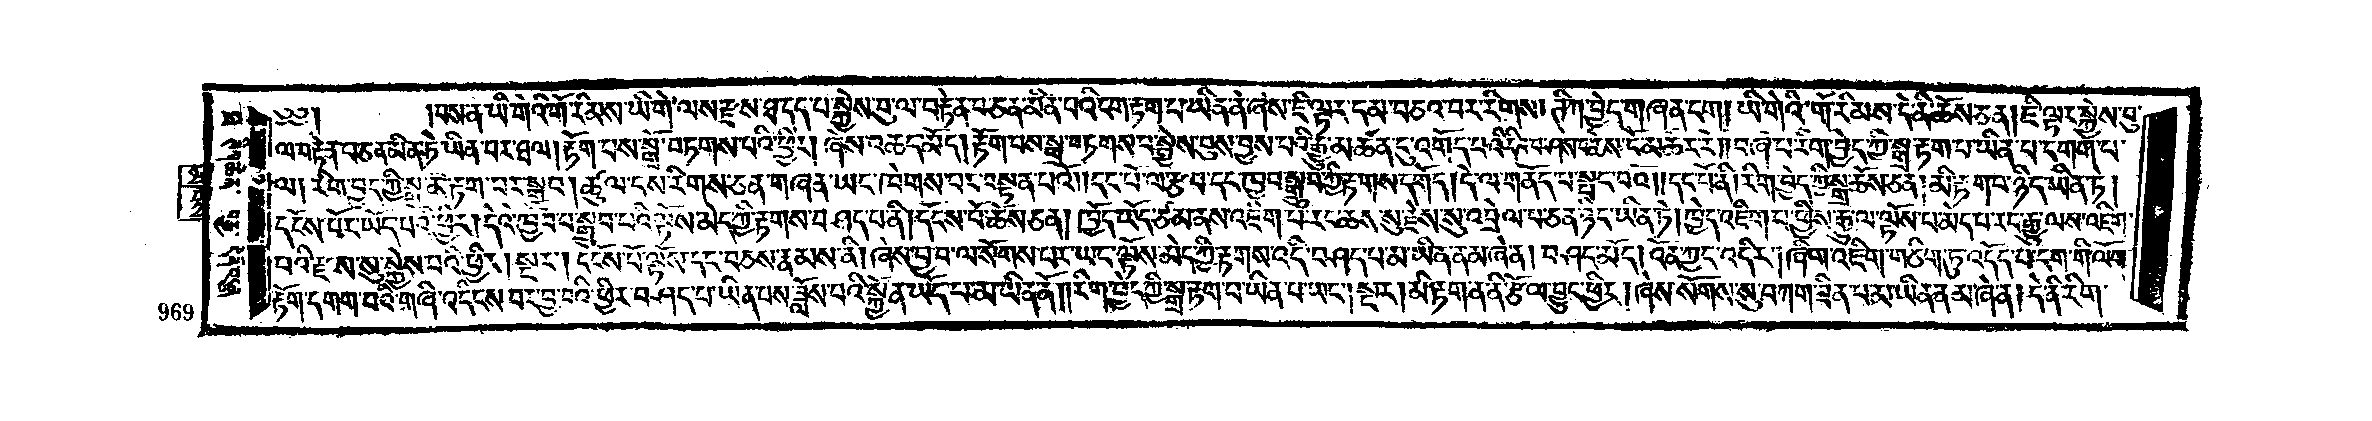༄༅། །བས་ན་ཡི་གེའི་གོ་རིམས་ཡི་གེ་ལས་རྫས་ཐ་དད་པ་སྐྱེས་བུ་ལ་བརྟེན་པ་ཅན་མིན་པའི་ངག་རྟག་པ་ཡིན་ནོ་ཞེས་ཇི་ལྟར་དམ་བཅའ་བར་རིགས། ཊིཀ་བྱེད་གཞན་དག །ཡི་གེའི་གོ་རིམས་དེ་ནི་ཆོས་ཅན། ཇི་ལྟར་སྐྱེས་བུ་
ལ་བརྟེན་པ་ཅན་མིན་ཏེ་ཡིན་པར་ཐལ། རྟོག་པས་སྒྲོ་བཏགས་པའི་ཕྱིར། ཞེས་འཆད་མོད། རྟོག་པས་སྒྲ་བཏགས་པ་སྐྱེས་བུས་བྱས་པའི་རྒྱུ་མཚན་དུ་འགོད་པའི་རིགས་པ་ཤས་པ་ཆེས་ངོ་མཚར་རོ། །བཞི་བ་རིག་བྱེད་ཀྱི་སྒྲ་རྟག་པ་ཡིན་པ་དགག་པ་
ལ། རིག་བྱེད་ཀྱི་སྒྲ་མི་རྟག་པར་སྒྲུབ། ཚུལ་དེས་རིགས་ཅན་གཞན་ཡང་ཁེགས་པར་བསྟན་པའོ། །དང་པོ་ལ་རྩ་བ་དང་ཁྱབ་སྒྲུབ་ཀྱི་རྟགས་དགོད། དེ་ལ་གནོད་པ་སྤང་བའོ། །དང་པོ་ནི། རིག་བྱེད་ཀྱི་སྒྲ་ཆོས་ཅན། མི་རྟག་པ་ཉིད་ཡིན་ཏེ།
དངོས་པོར་ཡོད་པའི་ཕྱིར། དེའི་ཁྱབ་སྒྲུབ་པའི་ལྟོས་མེད་ཀྱི་རྟགས་བཤད་པ་ནི། དངོས་པོ་ཆོས་ཅན། ཁྱོད་ཡོད་ཙམ་ནས་འཇིག་པ་རང་ཆས་སུ་རྗེས་སུ་འབྲེལ་པ་ཅན་ཉིད་ཡིན་ཏེ། ཁྱེད་འཇིག་པ་ཕྱིས་རྒྱུ་ལ་ལྟོས་པ་མེད་པ་རང་རྒྱུ་ལས་འཇིག་
པའི་རྫས་སུ་སྐྱེས་པའི་ཕྱིར། སྔར། དངོས་པོ་ལྟོས་དང་བཅས་རྣམས་ནི། ཞེས་བྱ་བ་ལ་སོགས་པར་ཡང་ལྟོས་མེད་ཀྱི་རྟགས་འདི་བཤད་པ་མ་ཡིན་ནམ་ཞེ་ན། བཤད་མོད། འོན་ཀྱང་འདིར། ཞིག་འཇིག་གཅིག་ཏུ་འདོད་པ་དག་གི་ལོག་
རྟོག་དགག་པའི་གཞི་འདིངས་བར་བྱ་བའི་ཕྱིར་བཤད་པ་ཡིན་པས་ཟློས་པའི་སྐྱོན་ཡོད་པ་མ་ཡིན་ནོ། །རིག་བྱེད་ཀྱི་སྒྲ་རྟག་པ་ཡིན་པ་ཡང་། སྔར། མི་རྟག་ན་ནི་རྩོལ་བྱུང་ཕྱིར། ཞེས་སོགས་སུ་བཀག་ཟིན་པ་མ་ཡིན་ནམ་ཞེ་ན། དེ་ནི་རིག་